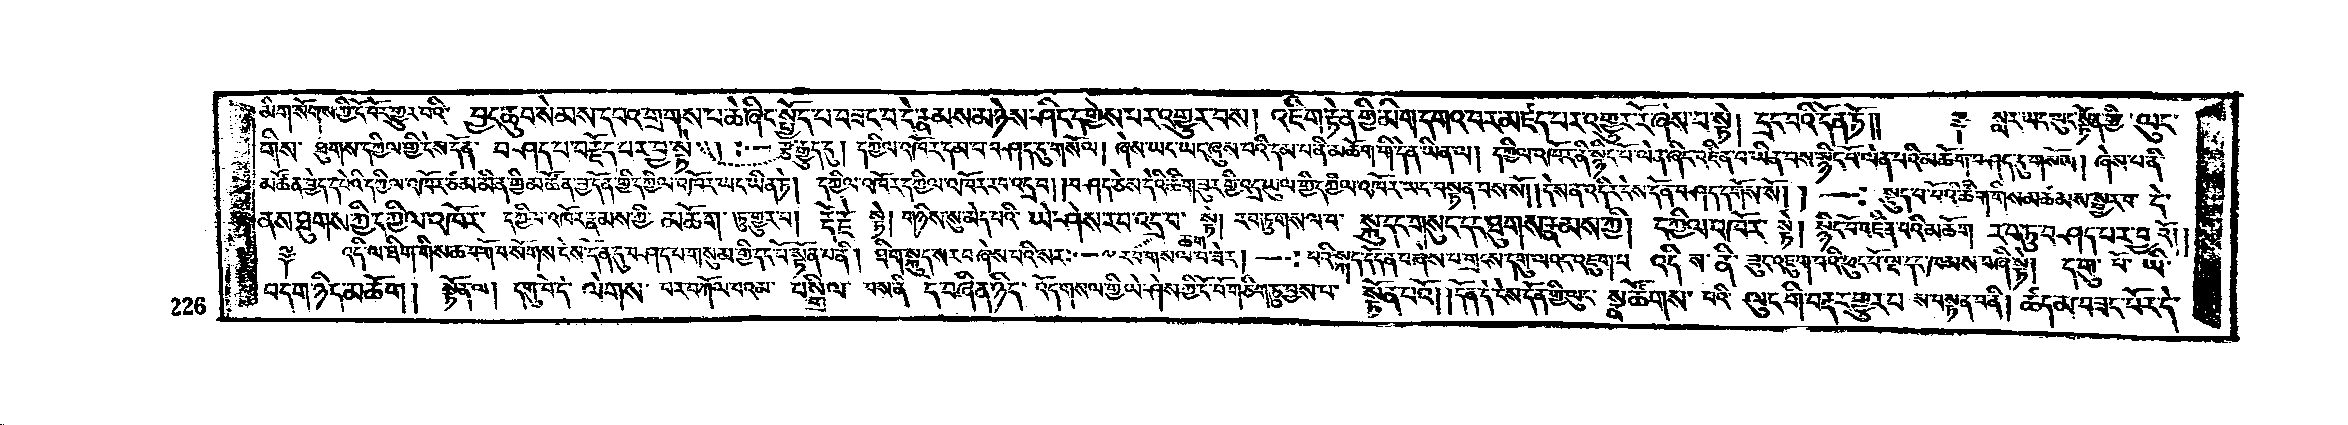མིག་སོགས་ཀྱི་ངོ་བོར་གྱུར་པའི་བྱང་ཆུབ་སེམས་དཔའ་གྲགས་པ་ཆེ་ཞིང་སྤྱོད་པ་བཟང་བ་དེ་རྣམས་མཉེས་ཤིང་དགྱེས་པར་འགྱུར་བས། འཇིག་རྟེན་གྱི་མིག་དགའ་བར་མཛད་པར་འགྱུར་རོ་ཞེས་པ་སྟེ། དྲང་བའི་དོན་ཏོ།། ༈ སླར་ཡང་ལུང་སྟོན་གྱི་ལུང་
གིས་ཐུགས་དཀྱིལ་གྱི་ངེས་དོན་བཤད་པ་བརྗོད་པར་བྱ་སྟེ།། H.རྩ་རྒྱུད་དུ། དཀྱིལ་འཁོར་དམ་པ་བཤད་དུ་གསོལ། ཞེས་ཡང་ཡང་ཞུམ་པའི་དམ་པ་ནི་མཆོག་གི་དོན་ཡིན་ལ། དཀྱིལ་འཁོར་ནི་སྙིང་པོ་ལེན་ཞིང་འཛིན་པ་ཡིན་པས་སྙིང་པོ་ལེན་པའི་མཆོག་བཤད་དུ་གསོལ། ཞེས་པ་ནི་
མཚོན་བྱེད་དཔེའི་དཀྱིལ་འཁོར་ཙམ་མིན་གྱི་མཚོན་བྱ་དོན་གྱི་དཀྱིལ་འཁོར་ཡང་ཡིན་ཏེ། དཀྱིལ་འཁོར་དཀྱིལ་འཁོར་རབ་འདྲ་བ། །བཤད་ཅེས་དེའི་ཚིག་ཟུར་གྱི་འདྲ་ཡུལ་གྱི་དཀྱིལ་འཁོར་ཡང་བསྟན་པས་སོ། །དེས་ན་འདིར་ངེས་དོན་བཤད་དགོས་སོ། ། .Hསྡུད་པ་པོའི་ཚིག་གིས་མཚམས་སྦྱར་བ་དེ་
ནས་ཐུགས་ཀྱི་དཀྱིལ་འཁོར་དཀྱིལ་འཁོར་རྣམས་ཀྱི་མཆོག་ཏུ་གྱུར་པ།  རྡོ་རྗེ་སྟེ། གཉིས་སུ་མེད་པའི་ཡེ་ཤེས་རབ་འདྲ་བ་ཆག་སྟེ། རབ་ཏུ་གསལ་བ་སྐུ་དང་གསུང་དང་ཐུགས་རྣམས་ཀྱི། དཀྱིལ་འཁོར་སྟེ། སྙིང་པོ་འཛིན་པའི་མཆོག་རབ་ཏུ་བཤད་པར་བྱའོ། །
༈ འདི་ལ་ཐིག་གིས་ཆ་བགོ་བ་སོགས་ངེས་དོན་དུ་བཤད་པ་གསུམ་གྱི་དང་པོ་སྟོན་པ་ནི། ཐིག་སྐུད་སར་པ་ཞེས་པའི་སར་H.་༧་རབ་གསལ་བ་ཟེར། .H པའི་སྐད་དོད་ན་པ་ཞེས་པ་གྲངས་དགུ་ལའང་འཇུག་པ་འདིས་ནི་ཟུང་འཇུག་པའི་ཕུང་པོ་ལྔ་དང་ཁམས་བཞི་སྟེ།  དགུ་པོ་ཡི་
བདག་ཉིད་མཆོག ། སྟོན་ལ། དགུ་བོ་དེ་ལེགས་པར་བཀོལ་བའམ་བསྒྲེལ་བས་ནི་དེ་བཞིན་ཉིད་འོད་གསལ་གྱི་ཡེ་ཤེས་ཀྱི་ངོ་བོ་གཅིག་ཏུ་བྱས་པ་སྟོན་པའོ། །དོན་དེ་ངེས་དོན་གྱི་ལུང་སྣ་ཚོགས་པའི་ལུང་གི་བརྡར་གྱུར་པས་བསྟན་པ་ནི། ཚད་མ་བཟང་པོར་དེ་